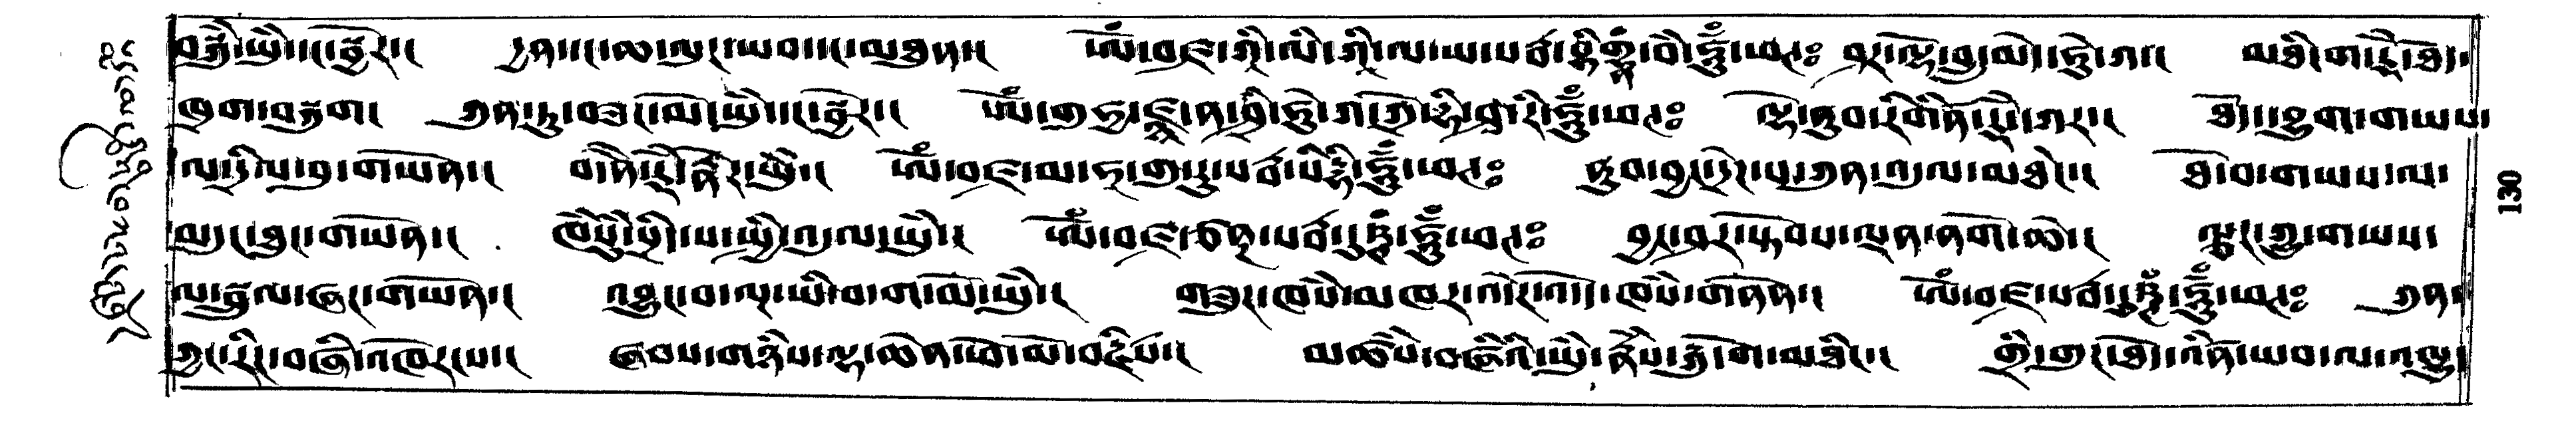བསྐུམ་ཡུམ་དང་སྦྱོར། །རྒྱན་དང་ཆ་ལུགས་ཡབ་དང་མཐུན།།ཨོཾ་བཛྲ་ཀཱི་ལི་ཀཱི་ལ་ཡ་སརྦ་བྷིགྷྣཾ་བཾ་ཧཱུྃ་ཕཊཿ ཤར་ལྷོར་བླ་མེད་ཧེ་རུ་ཀཿ །མཐིང་ནག་རྡོ་རྗེ་ཐོད་
ཁྲག་དཀྲུག །ཀུན་ཏུ་བཟང་མོ་ཡུམ་དང་སྦྱོར། །ཨོཾ་གུགྱ་ཛྙཱ་ན་ཤྲཱི་ཧེ་རུ་ཀ་ཀྲོ་དྷི་ཤྭ་རི་ཧཱུྃ་ཕཊཿ ལྷོ་ནུབ་རིག་འཛིན་རྡོ་རྗེ་དཀར། །ཐོད་དབྱུག་གཡས་
ལ་དྲིལ་བུ་གཡོན། །བདེ་ཆེན་རྡོ་རྗེ་རྣལ་འབྱོར་ཡུམ། །ཨོཾ་བཛྲ་མ་ཧཱ་གུ་རུ་སརྦ་སིདྡྷི་ཧཱུྃ་ཕཊཿ ནུབ་བྱང་དྲེགས་པ་ཀུན་འདུལ་མཐིང་། །ཐོ་བ་གཡས་ལ་
མདུང་ཐུང་གཡོན། །ཁམས་གསུམ་སྲིད་པ་སྤྱི་འདུལ་ཡུམ། །ཨོཾ་བཛྲ་ཙནྜ་སརྦ་དུཥྚཾ་ཧཱུྃ་ཕཊཿ བྱང་ཤར་སྟོབས་ལྡན་ནག་པོ་ཆེ། །ལྕགས་ཀྱུ་གཡས་
ལ་སྦྲུལ་ཞགས་གཡོན། །འབྱུང་བ་ལྔ་ཡི་བདག་མོ་ཡུམ། །གཟུགས་ཁམས་མཁར་འདེགས་འདོད་ཁམས་གནོན། །ཨོཾ་བཛྲ་སརྦ་དུཥྚཾ་ཧཱུྃ་ཕཊཿ ཀུན་
ཀྱང་རིགས་བཞིའི་འཁོར་དང་བཅས། །ཞབས་གཉིས་ལྷ་ཆེན་ཕོ་མོ་བརྫིས། མཚམས་བཞིའི་ཡུམ་རྣམས་སྐུ་མདོག་མཐིང་། གྲི་གུག་ཐོད་འཛིན་ཡབ་ལ་འཁྱུད།